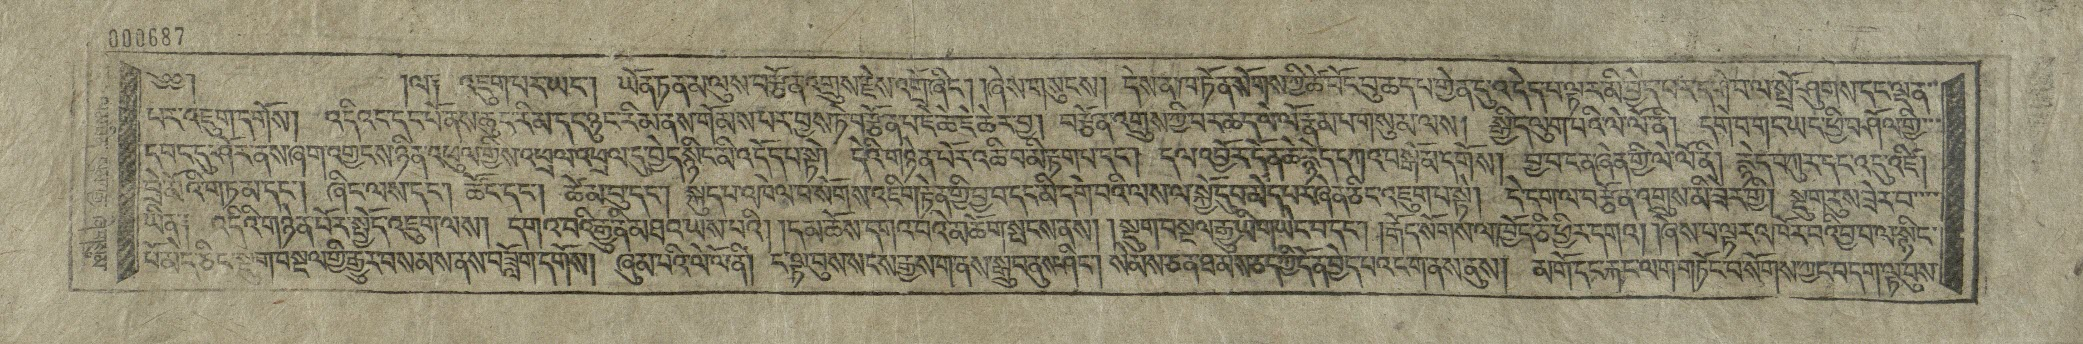༄༅། །ལ༑ འཇུག་པར་ཡང་། ཡོན་ཏན་མ་ལུས་བརྩོན་འགྲུས་རྗེས་འགྲོ་ཞིང་། །ཞེས་གསུངས། དེས་ན་ཁ་ཏོན་སོགས་ཀྱི་ཚེ་བོང་བུ་ཆད་པ་གྱེན་དུ་འདེད་པ་ལྟར་མི་བྱེད་པར་དགེ་བ་ལ་སྤྲོ་ཤུགས་དང་ལྡན་
པར་འཇུག་དགོས། འདིའང་དང་པོ་ནས་ཆུང་རིམ་དང་ཉུང་རིམ་ནས་གོམས་པར་བྱས་ཏེ་བརྩོན་པ་ཇེ་ཆེ་ཇེ་ཆེར་བྱ། བརྩོན་འགྲུས་ཀྱི་བར་ཆད་ལེ་ལོ་རྣམ་པ་གསུམ་ལས། སྒྱིད་ལུག་པའི་ལེ་ལོ་ནི། དགེ་བ་གང་ཡང་ཕྱི་བཤོལ་གྱི་
དབང་དུ་ཤོར་ནས་ཞག་འགྱངས་ཉིན་འཕུལ་གྱིས་འཕྲལ་འཕྲལ་དུ་བྱེད་སྙིང་མི་འདོད་པ་སྟེ། དེའི་གཉེན་པོར་འཆི་བ་མི་རྟག་པ་དང་། དལ་འབྱོར་དོན་ཆེ་རྙེད་དཀའ་བསྒོམ་དགོས། བྱ་བ་ངན་ཞེན་གྱི་ལེ་ལོ་ནི། རྙེད་བཀུར་དང་འདུ་འཛི།
བྲེ་མོའི་གཏམ་དང་། ཞིང་ལས་དང་། ཚོང་དང་། ཚེམ་བུ་དང་། སྐུད་པ་འཁེལ་བ་སོགས་འཇིག་རྟེན་གྱི་བྱ་བ་དང་མི་དགེ་བའི་ལས་ལ་སྐྱོ་དུབ་མེད་པར་ཞེན་ཅིང་འཇུག་པ་སྟེ། དེ་དག་ལ་བརྩོན་འགྲུས་མི་ཟེར་གྱི། སྡུག་རུས་ཟེར་བ་
ཡིན༑ འདིའི་གཉེན་པོར་སྤྱོད་འཇུག་ལས། དགའ་བའི་རྒྱུ་ནི་མཐའ་ཡས་པའི། །དམ་ཆོས་དགའ་བའི་མཆོག་སྤངས་ནས། །སྡུག་བསྔལ་རྒྱུ་ཡི་གཡེང་བ་དང་། །རྒོད་སོགས་ལ་ཁྱོད་ཅི་ཕྱིར་དགའ། །ཞེས་པ་ལྟར་འཁོར་བའི་བྱ་བ་ལ་སྙིང་
པོ་མེད་ཅིང་སྡུག་བསྔལ་གྱི་རྒྱུར་བསམས་ནས་བཟློག་དགོས། ཞུམ་པའི་ལེ་ལོ་ནི། ང་ལྟ་བུས་སངས་རྒྱས་ག་ནས་སྒྲུབ་ནུས་ཤིང་། སེམས་ཅན་ཐམས་ཅད་ཀྱི་དོན་བྱེད་པའང་ག་ནས་ནུས། མགོ་དང་རྐང་ལག་གཏོང་བ་སོགས་ཀྱང་བདག་ལྟ་བུས་